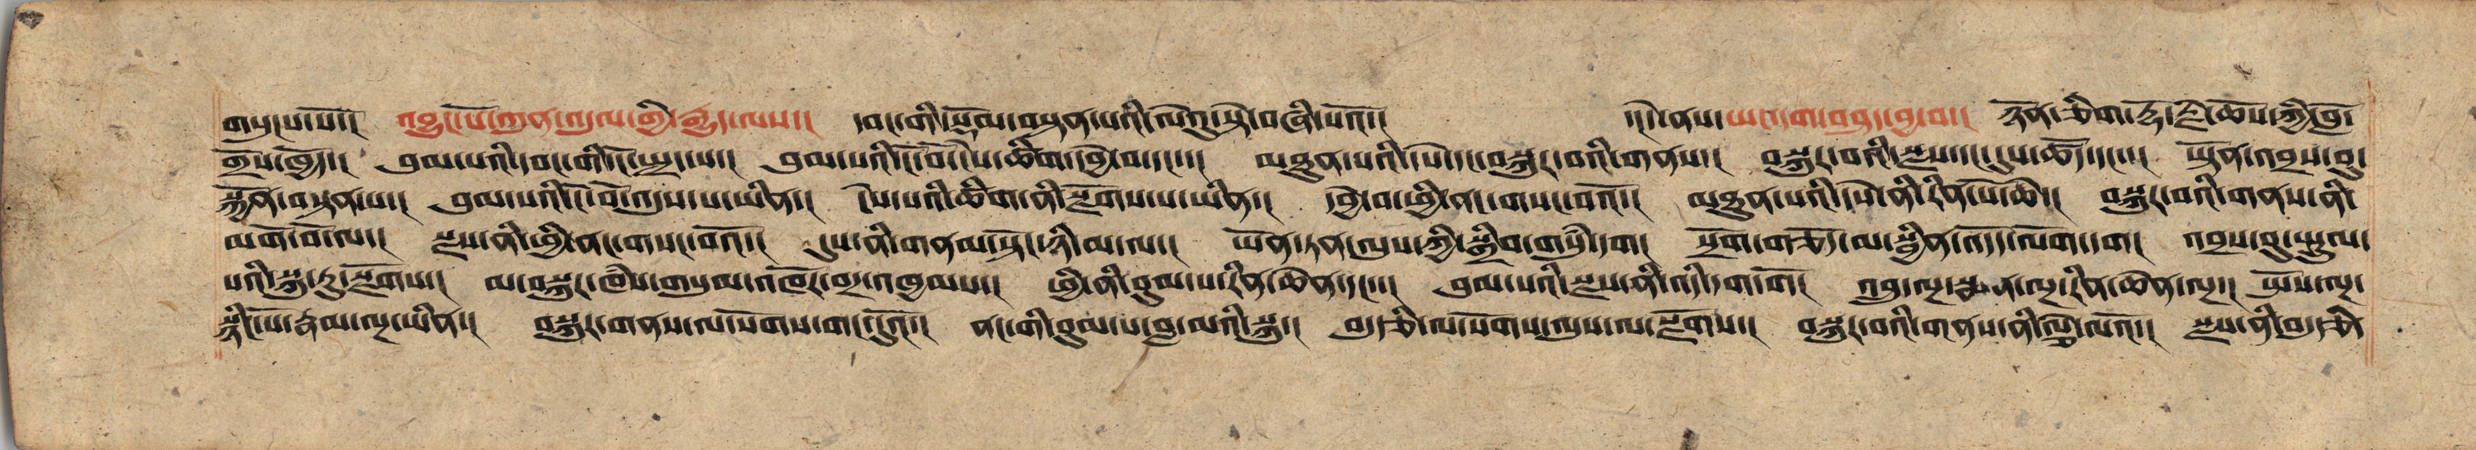གསུངས་སོ་། འབྱུང་པོ་ཀུན་འདུལ་གྱི་རྒྱུད་ལས་། དབང་གི་སྡོམ་བསྟན་པའི་ལེའུ་སྟེ་བཞི་པའོ་། ་།དེ་ནས་ཡང་དག་བཤད་བྱ་བ་། ཉོན་ཅིག་རྡོ་རྗེ་ཆོས་ཀྱི་བློ་
གྲོས་ཁྱོད་། བུམ་པའི་དབང་གི་ངོ་སྤྲད་པ་། བུམ་པའི་ངོ་བོ་ངེས་ཚིག་དབྱེ་བ་དང་་། མཐུན་པའི་དཔེ་དང་བསྐུར་བའི་གནས་། བསྐུར་བའི་སྫས་དང་དུས་ཚོད་དང་་། ཡྟོན་འབྲས་བུ་
སྐྱོན་བསྟན་པ་། བུམ་པའི་ངོ་བོ་འདུས་པ་ཡིན་། ངེས་པའི་ཚིག་ནི་སྫོགས་པ་ཡིན་། དབྱེ་བ་ཕྱི་ནང་གསང་བའོ་། མཐུན་པའི་དཔེ་ནི་རིན་པོ་ཆེ་། བསྐུར་བའི་གནས་ནི་
མགོ་བོ་ལ་། སྫས་ནི་ཕྱི་ནང་གསང་བའོ་། དུས་ནི་གནམ་སྟོང་ཉི་མ་ལ་། ཡོན་ཏན་ལུས་ཀྱི་སྒྲིབ་གསུཾ་དག། སྲོག་གཅོད་མ་སྦྱིན་འདོད་ལོག་དག། འབྲས་བུ་སྤྲུལ་
པའི་སྐུ་རུ་སྫོགས་། མ་བསྐུར་ཁཾས་གསུམ་འཁོར་བར་འཁྱམས་། ཕྱི་ནི་བུམ་པ་རིན་ཆེན་དང་་། བུམ་པའི་སྫས་ནི་འདི་དག་གོ། འབྲུ་ལྔ་སྨན་ལྔ་རིན་ཆེན་ལྔ་། སྤོས་ལྔ་
སྙིང་པོ་རྣམ་ལྔ་ཡིན་། བསྐུར་གནས་ལ་སོགས་གང་དུའོ་། ནང་གི་བུམ་པ་བླ་མའི་སྐུ་། བདུདཅི་ལ་སོགས་ལུས་ལ་སྫོགས་། བསྐུར་བའི་གནས་ནི་ལྕེ་ལའོ་། སྫས་ནི་བདུདཅི་